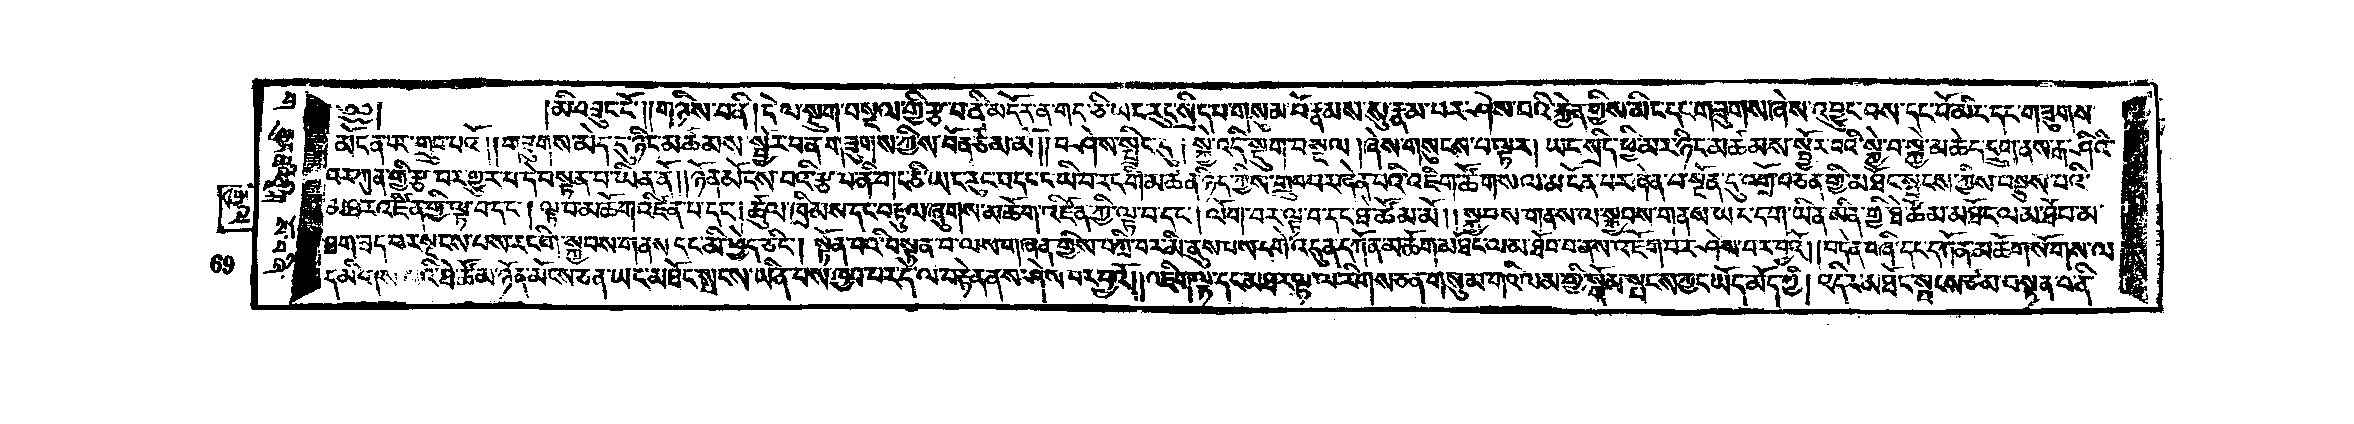༄༅། །མི་བཟུང་ངོ། །གཉིས་པ་ནི། དེ་ལ་སྡུག་བསྔལ་གྱི་རྩ་བ་ནི་མདོར་ན་གང་ཅི་ཡང་རུང་སྲིད་པ་གསུམ་པོ་རྣམས་སུ་རྣམ་པར་ཤེས་པའི་རྐྱེན་གྱིས་མིང་དང་གཟུགས་ཞེས་འབྱུང་བས་དང་པོ་མིང་དང་གཟུགས་
མངོན་བར་གྲུབ་པའོ། །གཟུགས་མེད་དུ་ཉིད་མཚམས་སྦྱོར་བ་ན་གཟུགས་ཀྱི་ས་བོན་ཙམ་མོ། །བཤེས་སྤྲིང་དུ། སྐྱེ་འདི་སྡུག་བསྔལ། ཞེས་གསུངས་པ་ལྟར། ཡང་སྲིད་ཕྱི་མར་ཉིད་མཚམས་སྦྱོར་བའི་སྐྱེ་བ་སྐྱེ་མཆེད་དྲུག་ནས་རྒ་ཤིའི་
བར་ཀུན་གྱི་རྩ་བར་གྱུར་པ་དེ་བསྟན་པ་ཡིན་ནོ། །ཉོན་མོངས་པའི་རྩ་བ་ནི་གང་ཅི་ཡང་རུང་བ་དང་ང་ཡི་བ་རང་གི་མཚན་ཉིད་ཀྱིས་གྲུབ་པར་ཞེན་པའི་འཇིག་ཚོགས་ལ་མངོན་པར་ཞེན་པ་སྔོན་དུ་འགྲོ་བ་ཅན་གྱི་མཐོང་སྤངས་ཀྱིས་བསྡུས་པའི་
མཐར་འཛིན་གྱི་ལྟ་བ་དང་། ལྟ་བ་མཆོག་འཛིན་པ་དང་། ཚུལ་ཁྲིམས་དང་བརྟུལ་ཞུགས་མཆོག་འཛིན་ཀྱི་ལྟ་བ་དང་། ལོག་པར་ལྟ་བ་དང་ཐེ་ཚོམ་མོ། །སྐྱབས་གནས་ལ་སྐྱབས་གནས་ཡང་དག་ཡིན་མིན་གྱི་ཐེ་ཚོམ་མཐོང་ལམ་ཐོབ་མ་
ཐག་ཟད་པར་སྡངས་པས་རང་གི་སྐྱབས་གནས་དང་མི་ཕྱེད་ཅིང་། སྟོན་པའི་བསྟན་པ་ལས་གཞན་གྱིས་བཀྲི་བར་མི་ནུས་པས་དགེ་འདུན་དཀོན་མཆོག་མཐོང་ལམ་ཐོབ་པ་ནས་འཇོག་པར་ཤེས་པར་བྱའོ། །བདེན་བཞི་དང་དཀོན་མཆོག་སོགས་ལ་
དམིགས་པའི་ཐེ་ཚོམ་ཉོན་མོངས་ཅན་ཡང་མཐོང་སྤངས་ཡིན་པས་ཁྱབ་པར་དེ་ལ་བརྟེན་ནས་ཤེས་པར་བྱའོ། །འཇིག་ལྟ་དང་མཐར་ལྟ་ལ་རིགས་ཅན་གསུམ་གའི་ལམ་གྱི་སྒོམ་སྤངས་རྐྱང་ཡོད་མོད་ཀྱི། འདིར་མཐོང་སྤངས་ཙམ་བསྟན་པ་ནི་